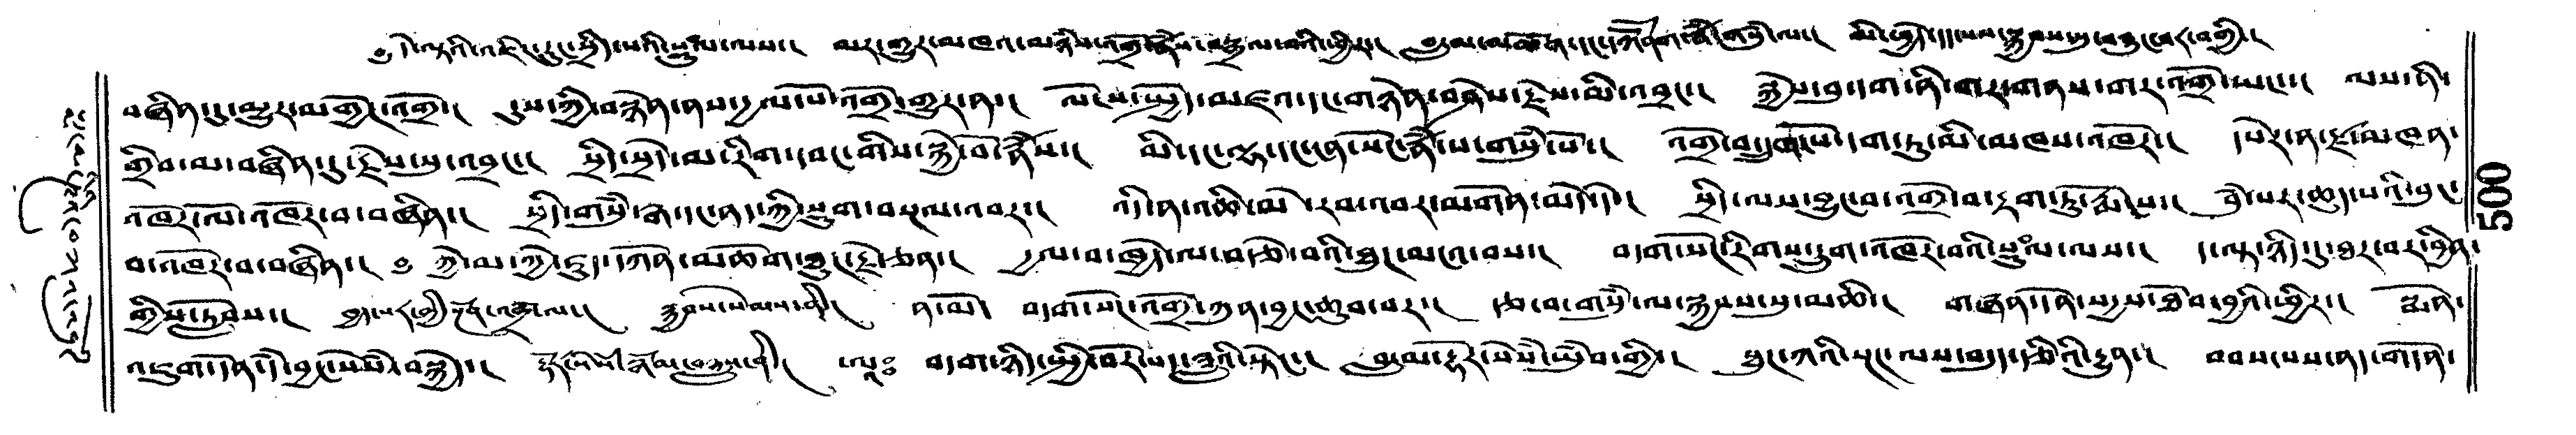དེ་ལྟའི་འཇིགས་རུང་སྲིད་པའི་སྡུག་བསྔལ་ལས། །མར་གྱུར་མཁའ་མཉམ་འགྲོ་རྣམས་སྒྲོལ་བའི་ཕྱིར། །བླ་མ་མཆོག་དང་དཀོན་མཆོག་རྣམ་གསུམ་ལ། །མི་ཕྱེད་དད་པས་སྐྱབས་སུ་གཟུང་བར་བགྱི
བཞིན་དུ་མྱུར་མགྱོགས་འགྲོ། །དུས་ཀྱིས་ཉེན་ནས་རྒྱལ་པོ་འགྲོ་གྱུར་ན། །ལོངས་སྤྱོད་མཛའ་དང་གཉེན་བཤེས་རྗེས་མི་འབྲང་། སྐྱེས་བུ་དག་ནི་གར་གནས་གར་འགྲོ་ཡང་། །ལས་ནི་
གྲིབ་མ་བཞིན་དུ་རྗེས་སུ་འབྲང་། །སྲིད་སྲེད་མ་རིག་དབང་གིས་སྐྱེ་བོ་རྣམས། །མི་དང་ལྷ་དང་ངན་སོང་རྣམ་པ་གསུམ། །འགྲོ་བ་ལྔ་པོ་དག་ཏུ་མི་མཁས་འཁོར། །དཔེར་ན་རྫ་མཁན་
འཁོར་ལོ་འཁོར་བ་བཞིན། །སྲིད་གསུམ་རྒ་དང་ནད་ཀྱི་སྡུག་བསྔལ་འབར། །འདི་ན་འཆི་མེ་རབ་འབར་མགོན་མེད་དེ། །སྲིད་ལས་བྱུང་བ་འགྲོ་བ་རྟག་ཏུ་རྨོངས། །བུམ་པར་ཆུད་པའི་བུང་
བ་འཁོར་བ་བཞིན། །། །ཀྱེ་མ་ཀྱེ་ཧུད་དཀོན་མཆོག་ཐུགས་རྗེ་ཅན། །རྒྱལ་བ་ཁྱེད་ལ་བརྩེ་བའི་ཐུགས་མངའ་བས། །བདག་སོགས་རིགས་དྲུག་འཁོར་བའི་སྡུག་བསྔལ་ལས། །ད་ལྟ་ཉིད་དུ་ཐར་བར་བྱིན་
གྱིས་རློབས།ཁྱད་པར་གྱི་སྔོན་འགྲོ་ལ། སྐྱབས་སེམས་ནི། ན་མོ། །བདག་སོགས་འགྲོ་ཀུན་བྱང་ཆུབ་བར། །རྩ་བ་གསུམ་ལ་སྐྱབས་སུ་མཆི། །གཞན་དོན་སངས་རྒྱས་འཐོབ་བྱའི་ཕྱིར། །སྨོན་
འཇུག་དོན་དམ་བྱང་སེམས་བསྐྱེད། རྡོར་སེམས་སྒོམ་བཟླས་ནི། ཨཱཿ བདག་ཉིད་སྤྱི་བོར་པད་ཟླའི་སྟེང་། །བླ་མ་རྡོར་སེམས་ཡབ་ཡུམ་གྱི། །ཐུགས་ཀའི་སྔགས་ལས་བདུད་རྩིའི་རྒྱུན། །བབས་པས་ནད་གདོན་